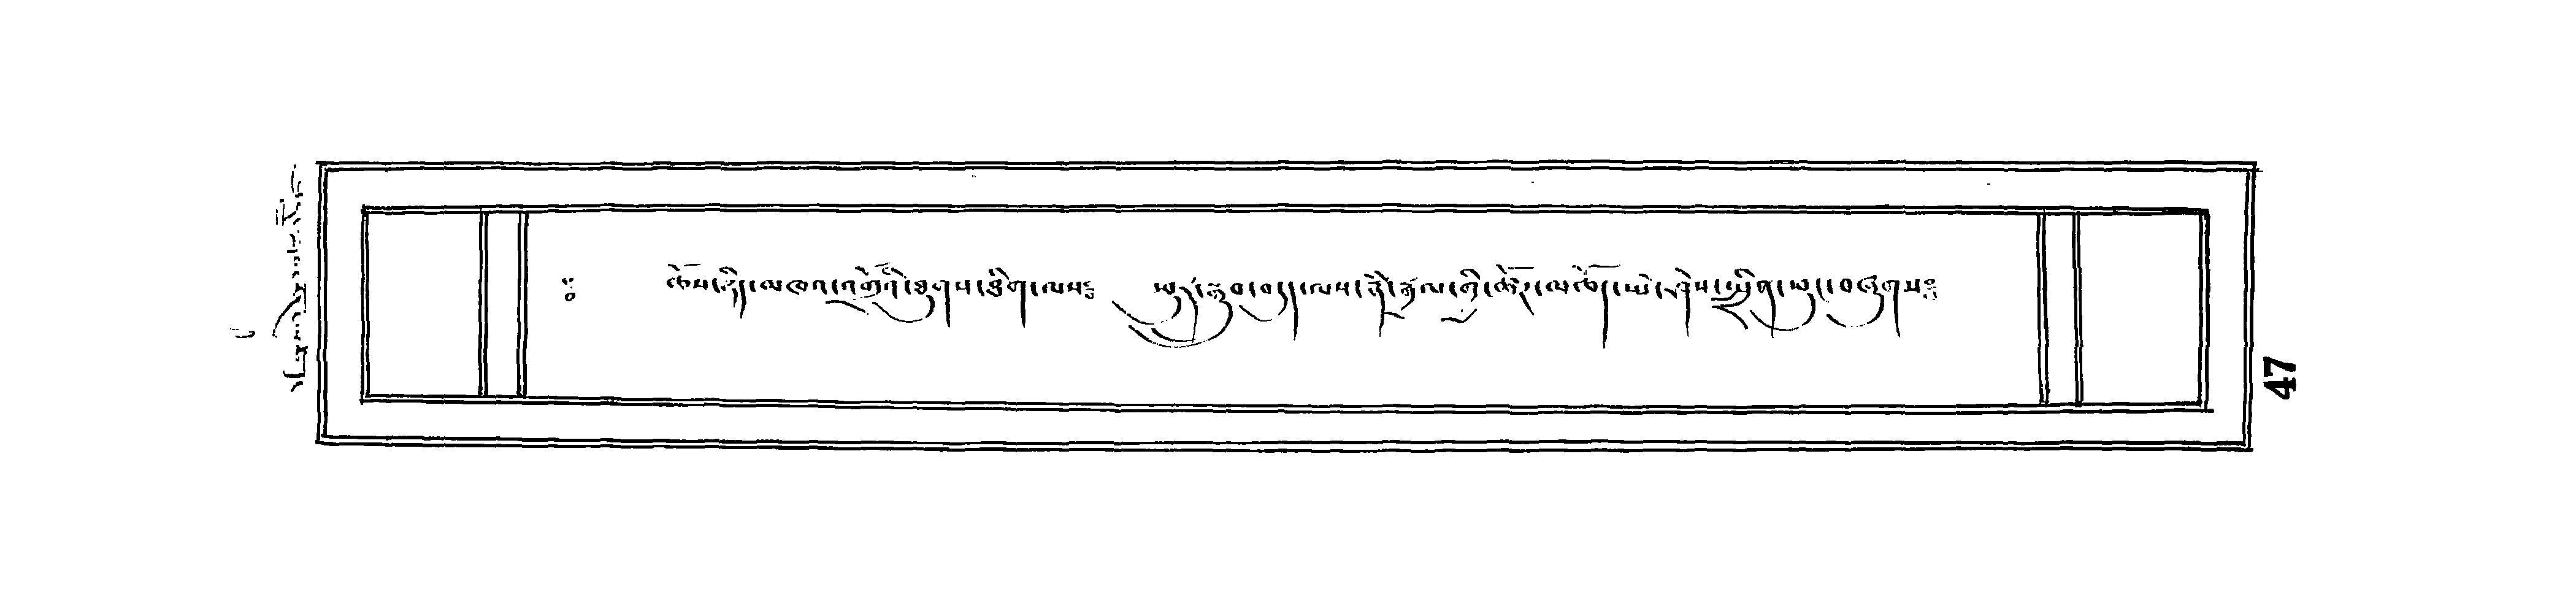ཆོས་ཉིད་མཁའ་འགྲོའི་ཐུགས་ཐིག་ལས༔ ཕུར་སྒྲུབ་བདུད་ལས་རྣམ་རྒྱལ་གྱི་ཚོགས་མཆོད་ཡེ་ཤེས་སྤྲིན་ཕུང་བཞུགས༔